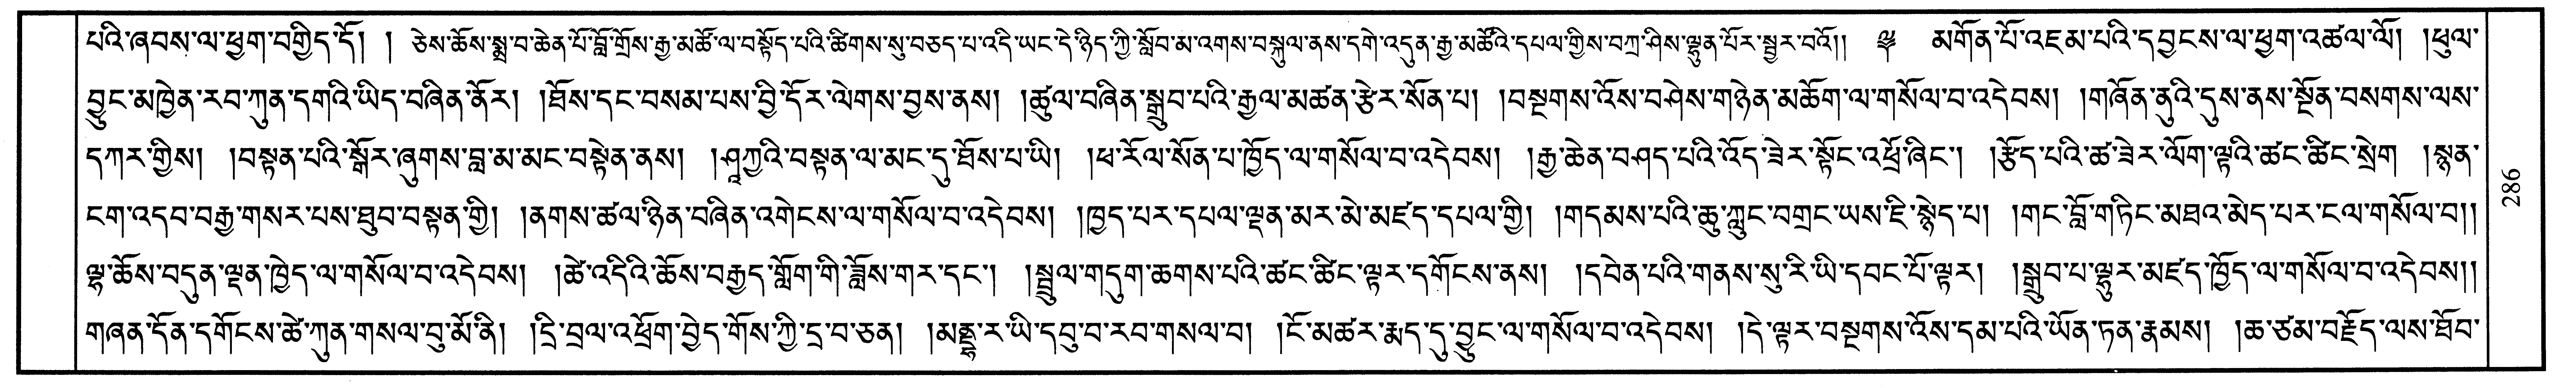པའི་ཞབས་ལ་ཕྱག་བགྱིད་དོ། །ཅེས་ཆོས་སྨྲ་བ་ཆེན་པོ་བློ་གྲོས་རྒྱ་མཚོ་ལ་བསྟོད་པའི་ཚིགས་སུ་བཅད་པ་འདི་ཡང་དེ་ཉིད་ཀྱི་སློབ་མ་འགས་བསྐུལ་ནས་དགེ་འདུན་རྒྱ་མཚོའི་དཔལ་གྱིས་བཀྲ་ཤིས་ལྷུན་པོར་སྦྱར་བའོ།། ༈ མགོན་པོ་འཇམ་པའི་དབྱངས་ལ་ཕྱག་འཚལ་ལོ། །ཕུལ་
བྱུང་མཁྱེན་རབ་ཀུན་དགའི་ཡིད་བཞིན་ནོར། །ཐོས་དང་བསམ་པས་བྱི་དོར་ལེགས་བྱས་ནས། །ཚུལ་བཞིན་སྒྲུབ་པའི་རྒྱལ་མཚན་རྩེར་སོན་པ། །བསྔགས་འོས་བཤེས་གཉེན་མཆོག་ལ་གསོལ་བ་འདེབས། །གཞོན་ནུའི་དུས་ནས་སྔོན་བསགས་ལས་
དཀར་གྱིས། །བསྟན་པའི་སྒོར་ཞུགས་བླ་མ་མང་བསྟེན་ནས། །ཤཱཀྱའི་བསྟན་ལ་མང་དུ་ཐོས་པ་ཡི། །ཕ་རོལ་སོན་པ་ཁྱོད་ལ་གསོལ་བ་འདེབས། །རྒྱ་ཆེན་བཤད་པའི་འོད་ཟེར་སྟོང་འཕྲོ་ཞིང་། །རྩོད་པའི་ཚ་ཟེར་ལོག་ལྟའི་ཚང་ཚིང་སྲེག །སྙན་
ངག་འདབ་བརྒྱ་གསར་པས་ཐུབ་བསྟན་གྱི། །ནགས་ཚལ་ཉིན་བཞིན་འགེངས་ལ་གསོལ་བ་འདེབས། །ཁྱད་པར་དཔལ་ལྡན་མར་མེ་མཛད་དཔལ་གྱི། །གདམས་པའི་ཆུ་ཀླུང་བགྲང་ཡས་ཇི་སྙེད་པ། །གང་བློ་གཏིང་མཐའ་མེད་པར་ངལ་གསོལ་བ།།
ལྷ་ཆོས་བདུན་ལྡན་ཁྱེད་ལ་གསོལ་བ་འདེབས། །ཚེ་འདིའི་ཆོས་བརྒྱད་གློག་གི་ཟློས་གར་དང་། །སྦྲུལ་གདུག་ཆགས་པའི་ཚང་ཚིང་ལྟར་དགོངས་ནས། །དབེན་པའི་གནས་སུ་རི་ཡི་དབང་པོ་ལྟར། །སྒྲུབ་པ་ལྷུར་མཛད་ཁྱོད་ལ་གསོལ་བ་འདེབས།།
གཞན་དོན་དགོངས་ཚེ་ཀུན་གསལ་བུ་མོ་ནི། །དྲི་བྲལ་འཕྲོག་བྱེད་གོས་ཀྱི་དྲ་བ་ཅན། །མནྡྷ་ར་ཡི་དབུ་བ་རབ་གསལ་བ། །ངོ་མཚར་རྨད་དུ་བྱུང་ལ་གསོལ་བ་འདེབས། །དེ་ལྟར་བསྔགས་འོས་དམ་པའི་ཡོན་ཏན་རྣམས། །ཆ་ཙམ་བརྗོད་ལས་ཐོབ་